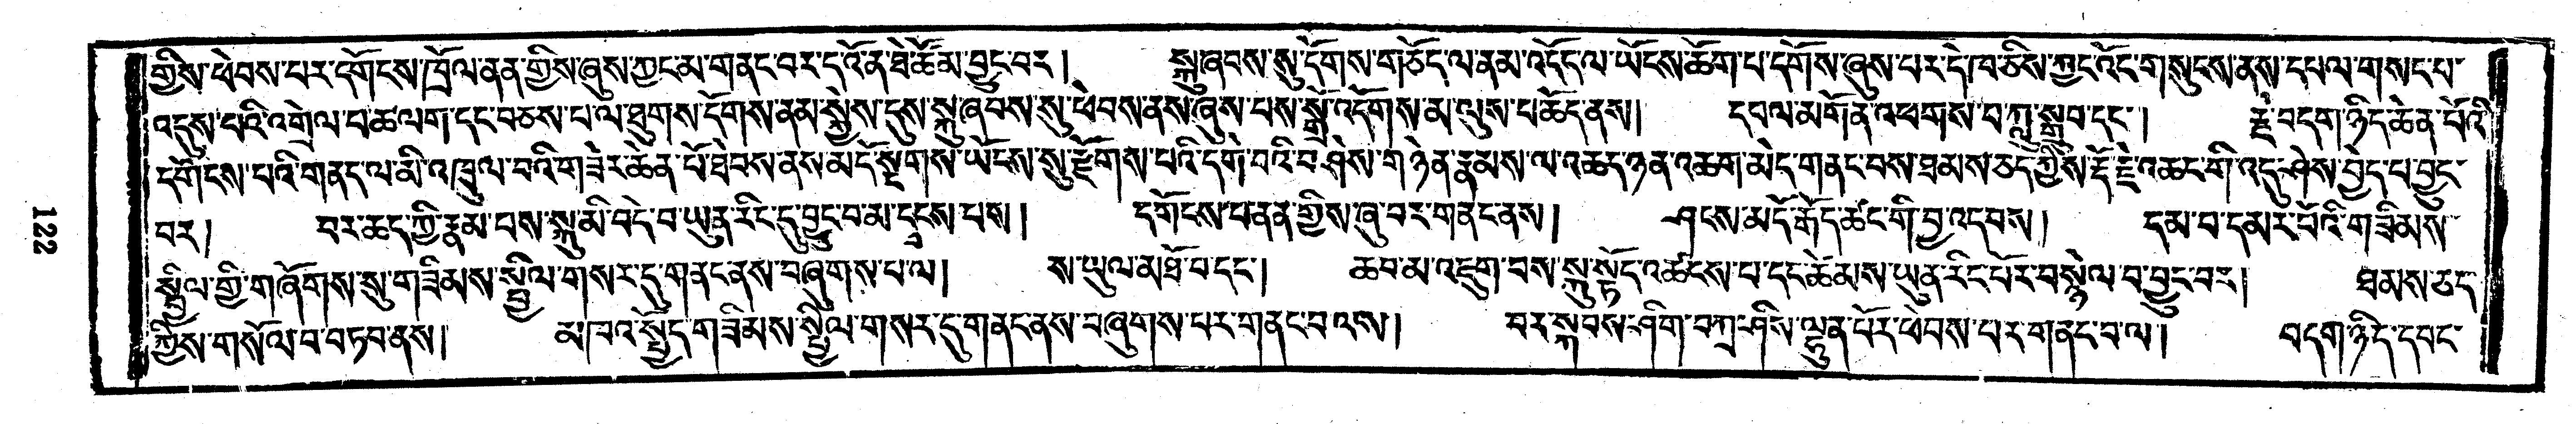གྱིས་ཕེབས་པར་དགོངས་ཁྲོལ་ནན་གྱིས་ཞུས་ཀྱང་མ་གནང་བར་ད་འོ་ན་ཐེ་ཚོམ་བྱུང་བར། སྐུ་ཞབས་སུ་དོགས་གཅོད་ལ་ནམ་འདོད་ལ་ཡོངས་ཆོག་པ་དགོས་ཞུས་པར་དེ་ཁ་ཅིས་ཀྱང་འོང་གསུངས་ནས་དཔལ་གསང་བ་
འདུས་པའི་འགྲེལ་པ་ཆ་ལག་དང་བཅས་པ་ལ་ཐུགས་དོགས་ནམ་སྐྱེས་དུས་སྐུ་ཞབས་སུ་ཕེབས་ནས་ཞུས་པས་སྒྲོ་འདོགས་མ་ལུས་པ་ཆོད་ནས། དཔལ་མགོན་འཕགས་པ་ཀླུ་སྒྲུབ་དང་། རྗེ་བདག་ཉིད་ཆེན་པོའི་
དགོངས་པའི་གནད་ལ་མི་འཁྲུལ་པའི་གཟེར་ཆེན་པོ་ཐེབས་ནས་མདོ་སྔགས་ཡོངས་སུ་རྫོགས་པའི་དགེ་བའི་བཤེས་གཉེན་རྣམས་ལ་འཆད་ཉན་འཆག་མེད་གནང་བས་ཐམས་ཅད་ཀྱིས་རྡོ་རྗེ་འཆང་གི་འདུ་ཤེས་བྱེད་པ་བྱུང་
བར། བར་ཆད་ཀྱི་རྣམ་པས་སྐུ་མི་བདེ་བ་ཡུན་རིང་དུ་བྱུང་བ་མ་དྲངས་པས། དགོངས་པ་ནན་གྱིས་ཞུ་བར་གནང་ནས། ཤངས་མདོ་རྒོད་ཚང་གི་བྱ་འདབས། དམ་བ་དམར་བོའི་གཟིམས་
སྤྱིལ་གྱི་གཞོགས་སུ་གཟིམས་སྤྱིལ་གསར་དུ་གནང་ནས་བཞུགས་པ་ལ། ས་ཡུལ་མཐོ་བ་དང་། ཆབ་མ་འཇུག་པས་སྐུ་སྟོང་འཚངས་པ་དང་ཚེམས་ཡུན་རིང་པོར་བསྙེལ་བ་བྱུང་བར། ཐམས་ཅད་
ཀྱིས་གསོལ་བ་བཏབ་ནས། མཁའ་སྤྱོད་གཟིམས་སྤྱིལ་གསར་དུ་གནང་ནས་བཞུགས་པར་གནང་བ་ལས། བར་སྐབས་ཤིག་བཀྲ་ཤིས་ལྷུན་པོར་ཕེབས་པར་གནང་བ་ལ། བདག་ཉིད་དབང་